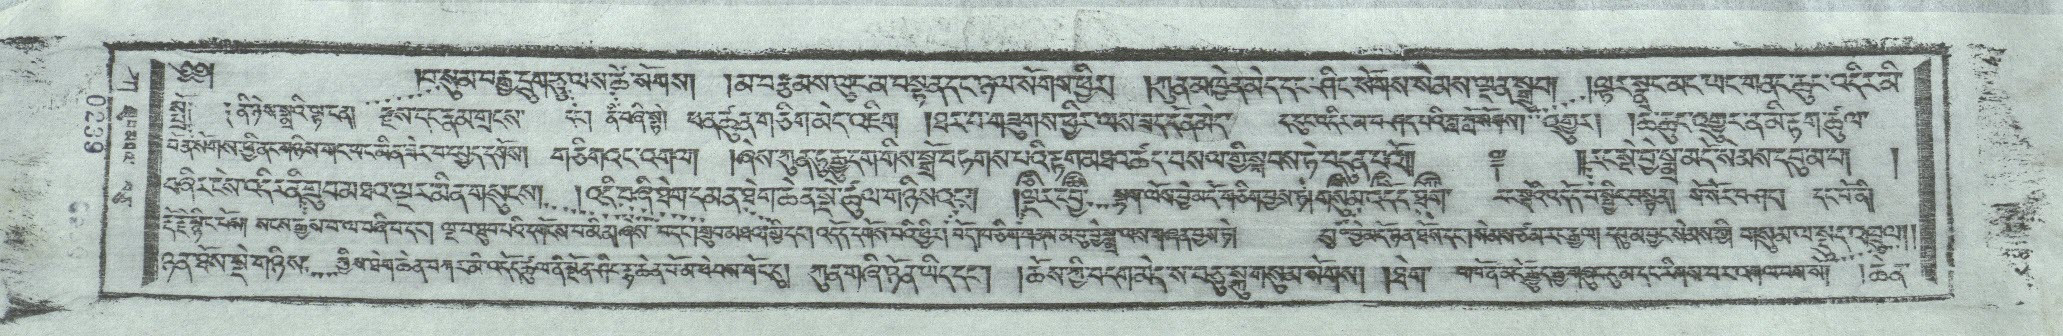༄༅། །བ་སུམ་བརྒྱ་དྲུག་ཅུ་ལས་ཚེ་སོགས། །མ་བརྩམས་ལུང་མ་བསྟན་དང་ཉལ་སོགས་ཕྱིར། །ཀུན་མཁྱེན་མེད་དང་ཤིང་སོགས་སེམས་ལྡན་སྒྲུབ། །ལྟར་སྣང་མང་ཡང་གནང་ཆུང་འདིར་ཅི་
སྤྲོ། ནི་ཉེས་སྨྲའི་ལྟ་ངན། རྫེས་དང་རྣམས་གྲངས་དང་། ནི་བའི་སྟེ། ཕན་ཚུན་གཅིག་མེད་འཇིགས། །ཐར་པ་གཟུགས་ཕྱིར་ལས་ཟད་དོན་མེད་དབུང་འདིར་བ་བཤད་བའི་ཀླ་ཀླེ་སོགས། འགྱུར། ཆེ་ཆུང་འགྱུར་ན་མི་རྟག་ཚུལ་
བོན་སོགས་ཕྱི་ནང་གཉིས་གང་ང་ནི་ཟེར་བ་དཔྱད་དགོས། གཅིགཱང་འགལ། །ཞེས་ཀུན་ཏུ་རྒྱུད་དགག་གིས་སྒྲོ་བཏགས་པའི་རྟག་མཐའ་ཚང་བསལ་གྱི་སྐབས་ཏེ་བདུན་པའོ། །རང་སྡེ་བྱེ་སྨྲ་མདོ་སེམས་དབུ་མ་པ།
བཞིར་ངེས་འདི་ནི་གྲུབ་མཐའ་ལྔར་མིན་གསུངས། །འདི་བཞི་ཐེག་དམན་ཐེག་ཆེན་སྡེ་ཚུལ་གཉིསཱང་། །ལྔར་དབྱེ་སྟག་ལོས་བྱེ་མདོ་གཅིག་བྱས་??་འདོད་ཐུག། རང་སྡེའི་འདོད་བ་སྦྱོར་བསྟན། སོ་སོང་བཤད། དང་པོ་ནི་
རྡོ་རྗེ་སྙིང་པོས། སངས་རྒྱས་བ་ལ་བཞི་བ་དང་། ལྔ་བྠུབ་པའི་དགོངས་བ་མིན་ཤེས་པ་དང་། གྲུབ་མཐའ་གྱི་དང་། འདོད་དགོས་པའི་ཕྱིར། བོད་ཁ་ཅིག་གནས་མ་བུ་བྱེ་སྨྲ་ལས་གཞན་བྱས་ཏེ། བུ་བྱེ་མདོ་ཉན་ཐོས་དང་། སེམས་ཙམ་རང་རྒྱལ། དབུ་མ་བྱང་སེམས་ཀྱི། གསུམ་ལ་སྡུད་འཁྲུལ།
ཉན་ཐོས་སྡེ་གཉིས་ཀྱིས་ཐེག་ཆེན་བཀར་མི་འདོད་ཚུལ་ནི་སྔོན་ཤིང་རྟ་ཆེན་པོ་མ་བེབས་གོང་དུང་། ཀུན་གཞི་ཉོན་ཡིད་དང་། །ཆོས་ཀྱི་བདག་མེད་ས་བཅུ་སྐུ་གསུམ་སོགས། །ཐེག་བ་ཁོ་ན་མདོ་རྒྱུད་རྒྱ་གཞུང་དུ་མ་དང་རིགས་པ་འགལ་བས་སོ། །ཆེན་